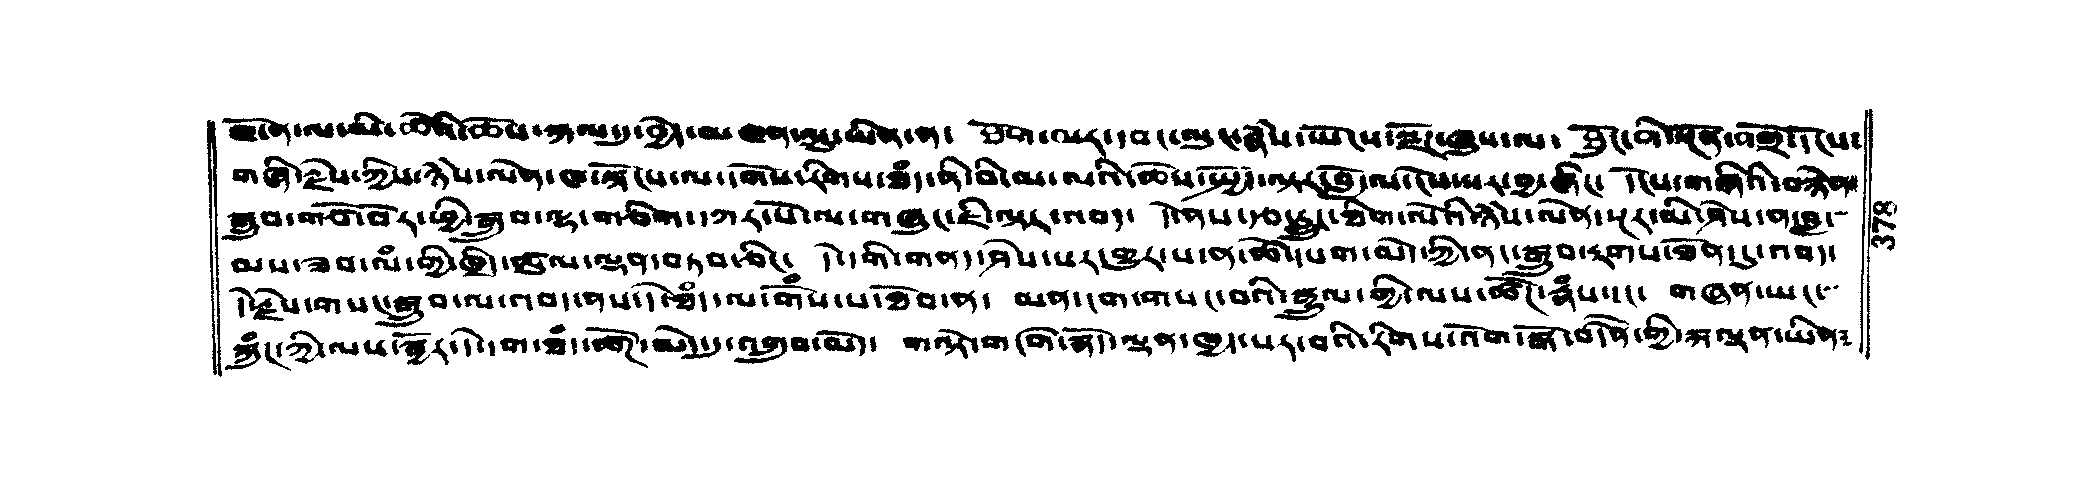ཁོ་ན་ལ་མི་ཚེའི་ཆོས་སྐལ་དུ་བྱེད་མཁན་ལྟ་བུ་ཡིན་ན། ཐོག་མར་དབང་ལུང་རྣམས་ཡོངས་རྫོགས་ཞུས་ལགས། ཐུན་མོང་གི་སྔོན་འགྲོ་དངོས་
གཞི་རྗེས་ཀྱི་ཉམས་ལེན་ཁ་སྐོངས་ལ་དགསོ་རིགས་ཐམས་ཅད་ནི་བི་མ་ལའི་ཆོས་སྤྱོད་ལྟར་བློ་ལ་ངེས་པར་བྱ་ཞིང་། དངོས་གཞིའི་བསྙེན་
སྒྲུབ་གཙོ་བོར་ཕྱི་སྒྲུབ་ལྷ་གཅིག་དཀར་པོ་ལ་གཞུང་ཇི་ལྟ་བར་འབད། དེ་ནས་རྩ་རླུང་ཐིག་ལེའི་ཉམས་ལེན་སྔར་མི་ཤེས་ན་བླ་
མས་ཟབ་ལམ་གྱི་ཁྲིད་ཚུལ་ལྡན་བཏབ་ཅིང་། དེ་དག་གི་གནད་ཤེས་པར་གྱུར་པ་ན་ཚེ་དཔག་མེད་ཀྱི་ནང་སྒྲུབ་རྟགས་ཐོན་དུ་འབད་
དེ་རྗེས་གསང་སྒྲུབ་ལ་འབད་ནས་དེ་ཐམས་ཅད་ལ་གོམས་པ་ཐོབ་ན། མན་ངག་གསང་བའི་སྒྱུ་འཕྲུལ་གྱི་ལས་ཚོགས་རྣམས་དང་། གཞན་ཡང་
སྐུ་གསུང་ཐུགས་ཀྱི་ལས་སྦྱོར་དེ་དག་ཐམས་ཅད་ཚེགས་མེད་དུ་འགྲུབ་མོད། གལ་ཏེ་གདམས་ངག་སྣོད་ལྡན་ཁྱད་པར་བའི་རིགས་འོག་སྒོ་བདེ་ཆེན་གྱི་སྐལ་ལྡན་ཡིན་